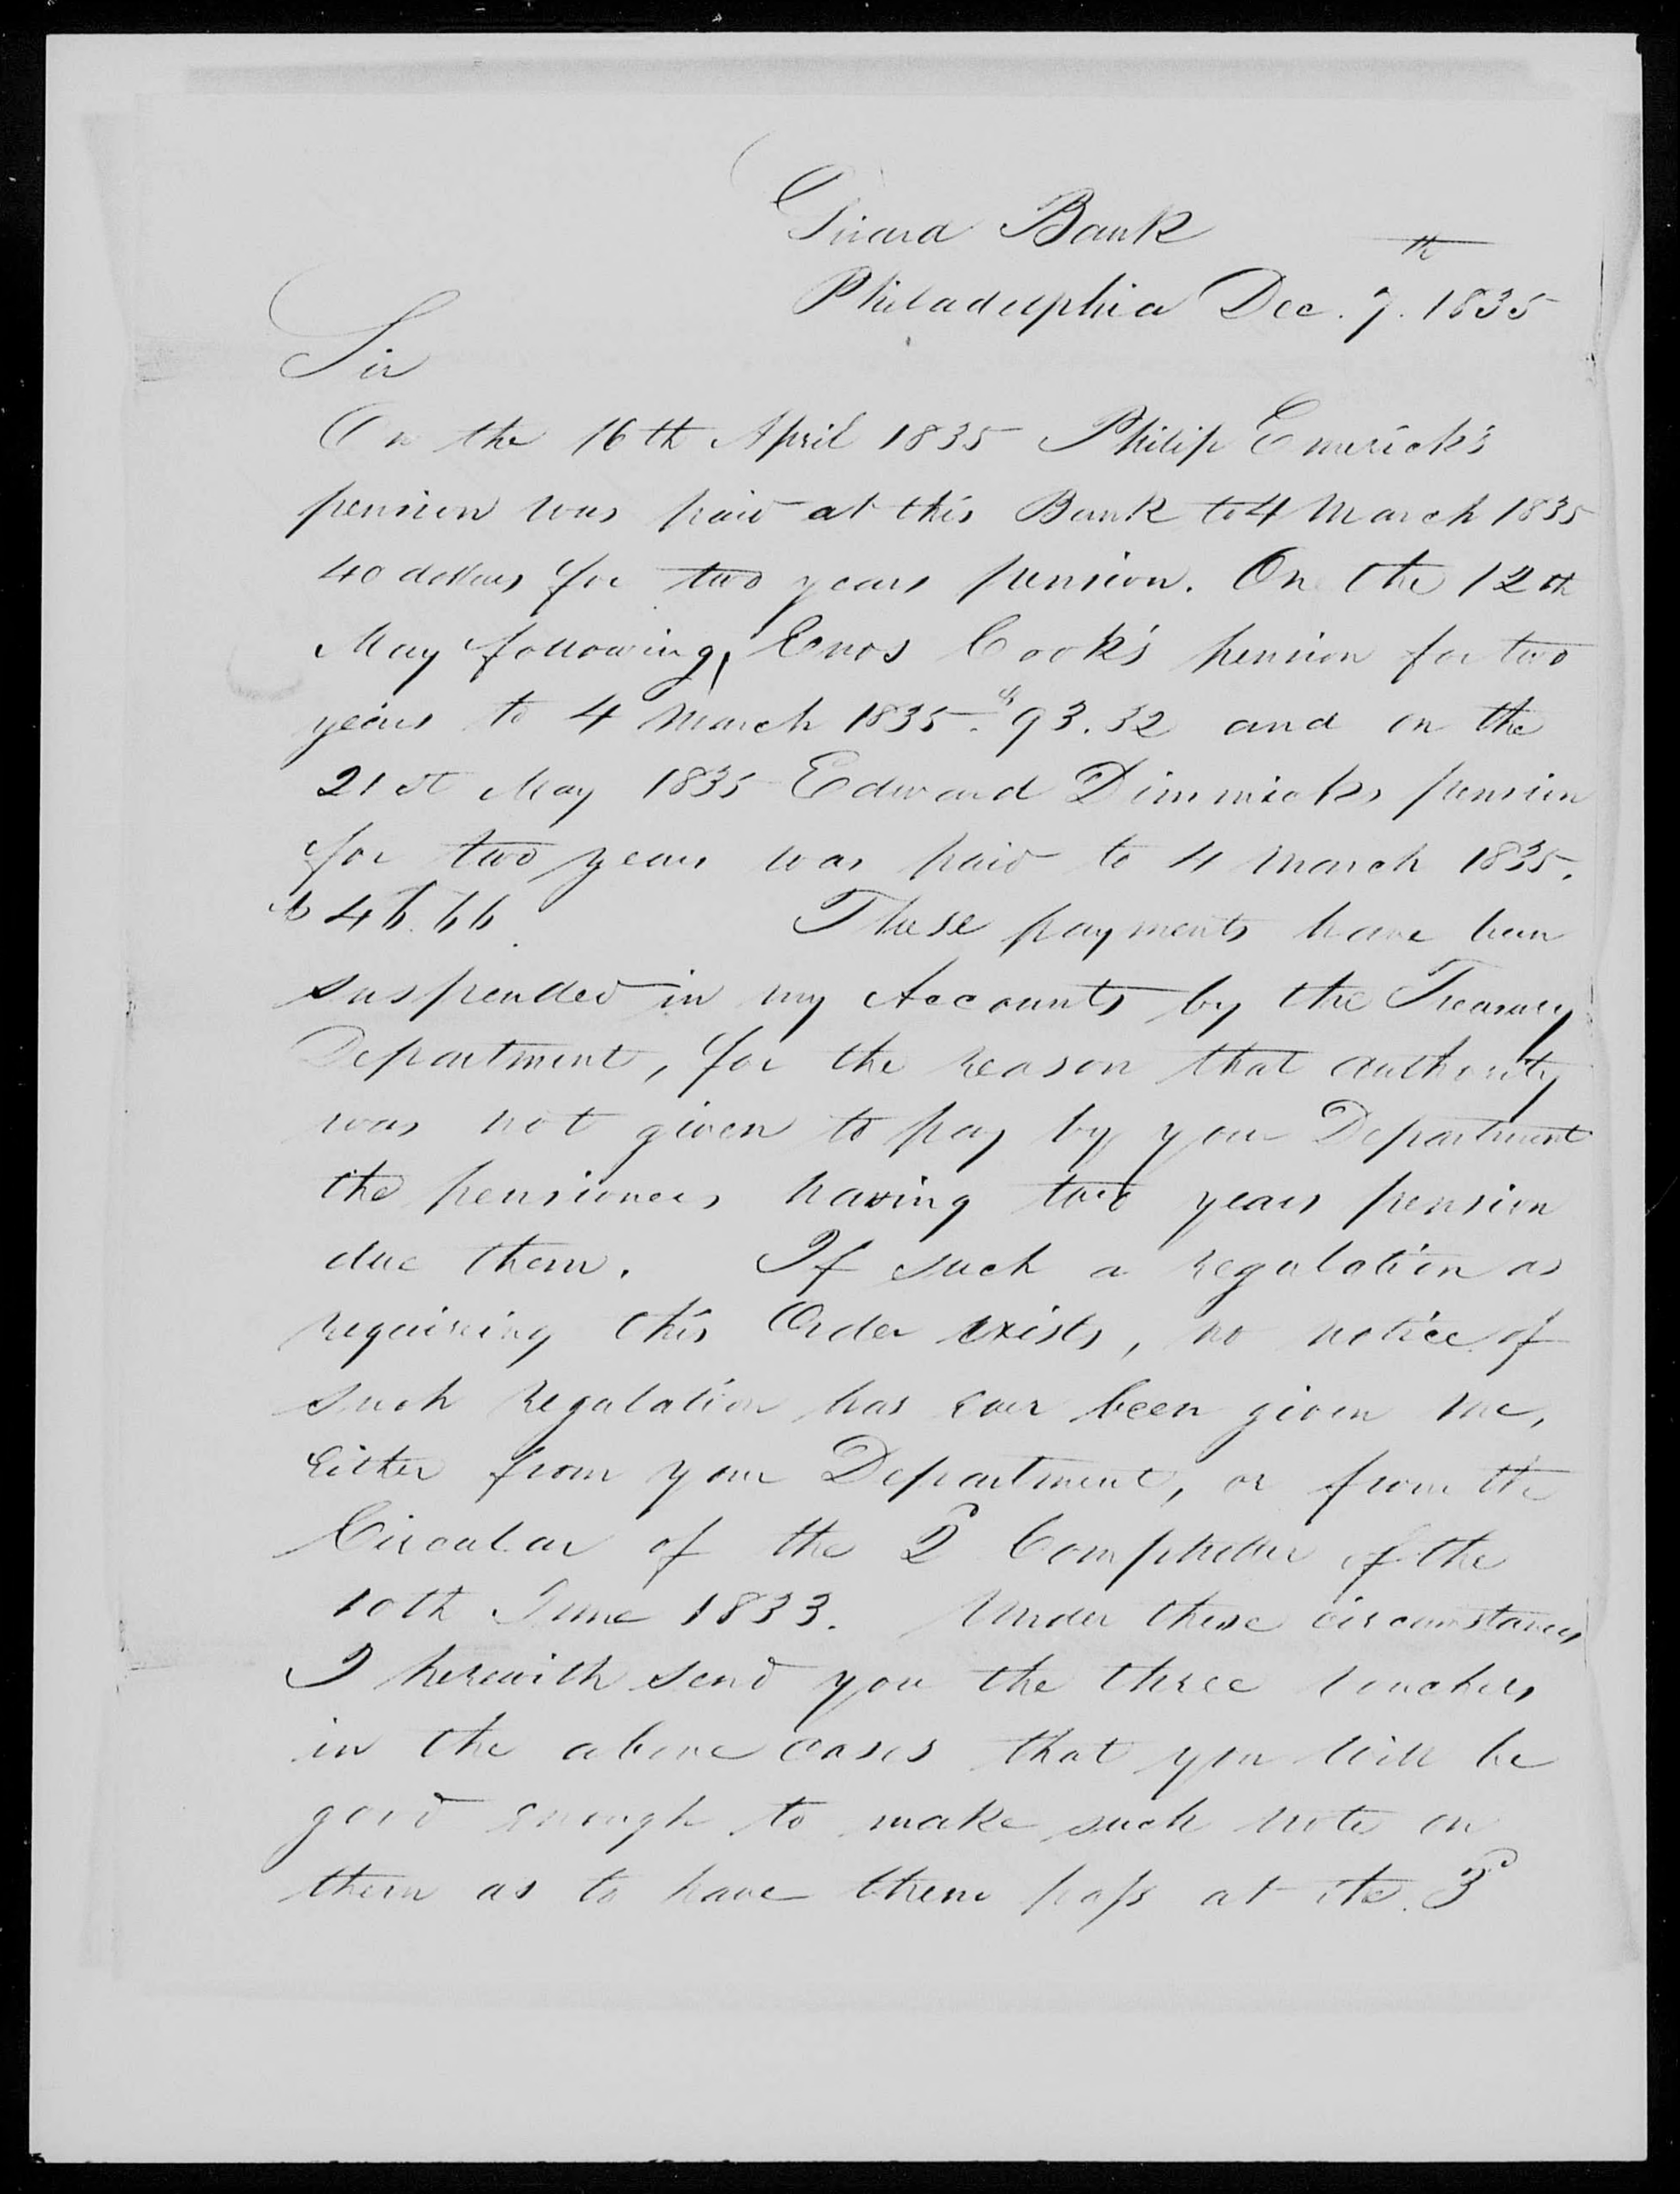Girard Bank
Philadelphia Dec. 7th. 1835
Sir
On the 16th April 1835 Philip Emerick's
pension was paid at this Bank to 4 March 1835
40 dollars for two years pension. On the 12th
May following, Enos Cook's pension for two
years to 4 March 1835 $ 93.32 and on the
21st May 1835 Edward Dimmick's pension
for two years was paid to 4 March 1835
$46.66.
These payments have been suspended in my Accounts by the Treasury Department, for the reason that authority was not given to pay by your Department.
the pensioners having two years pension
due them. If such a regulation as
requiring this Order exists, no notice of
such regulation has ever been given me,
either from your Department, or from the
Circular of the [illegible] of the
10th June 1833. Under these circumstances
I herewith send you the three vouchers
in the above cases that you will be
good enough to make such note on
them as to have them pass at 3rd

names: Edward Dimmick, Philip Emerick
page: 22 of 29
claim: survivor's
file: S. 23618, Philip Emerick, Penn.